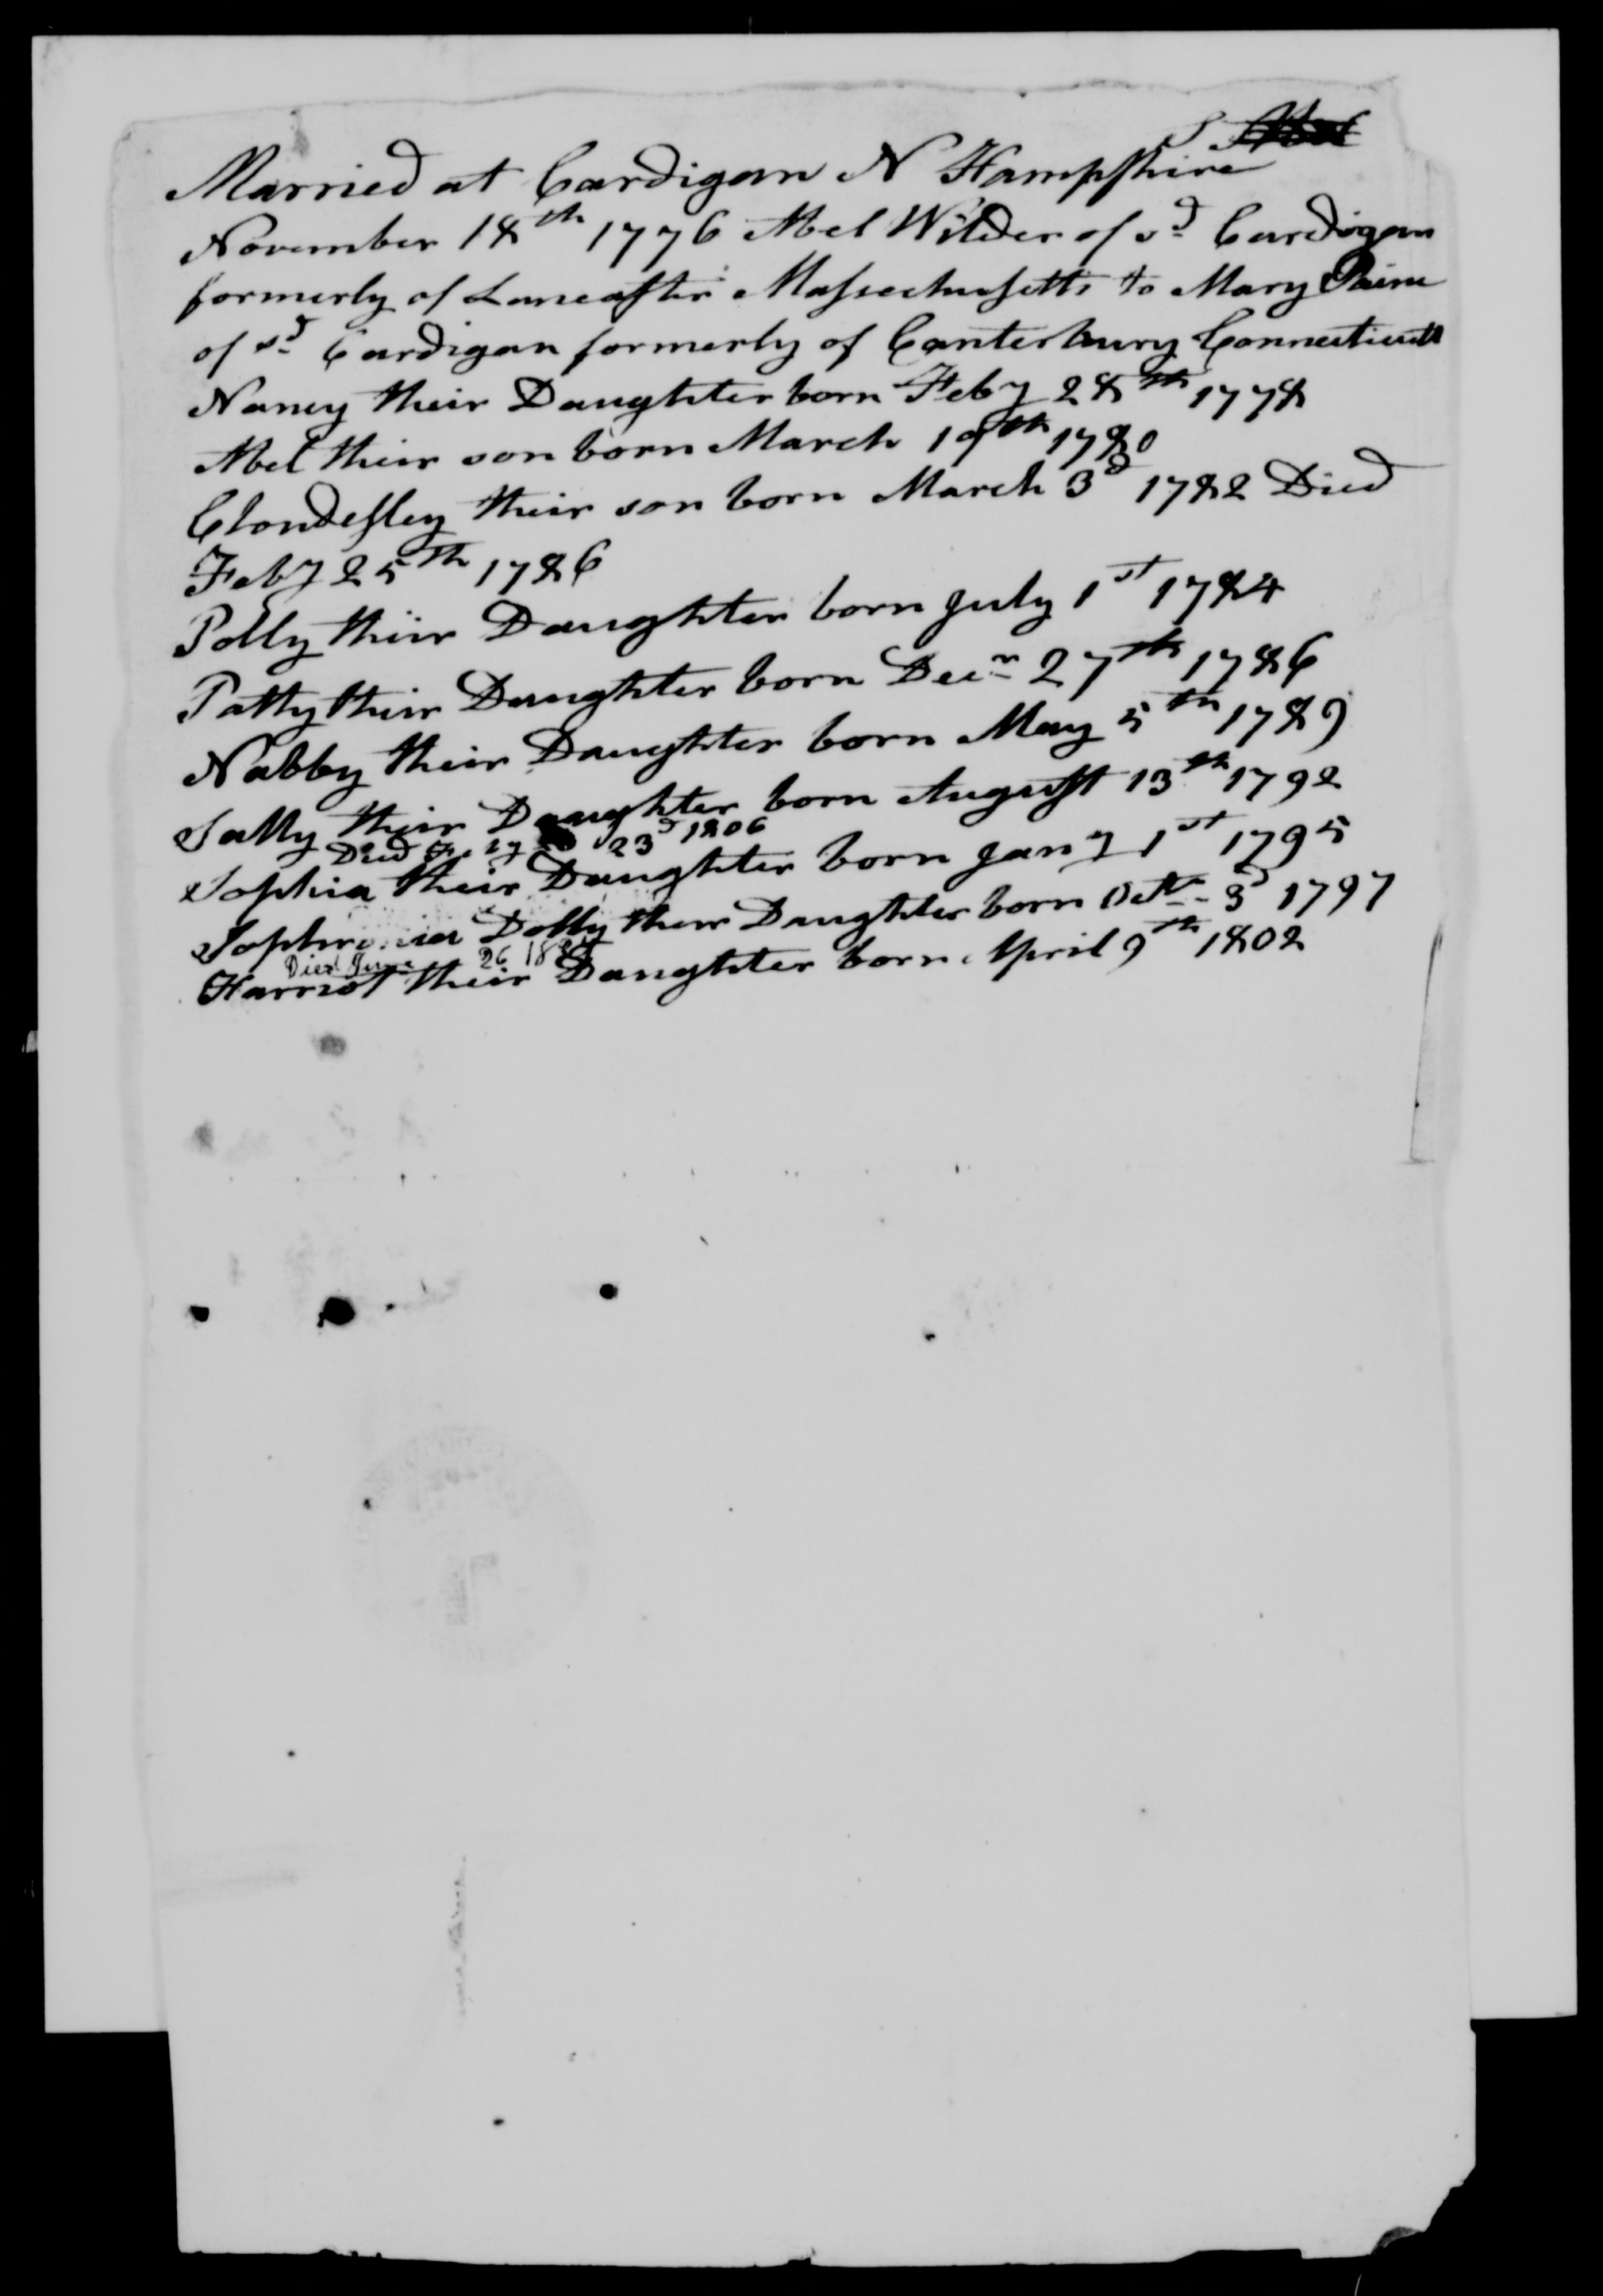Married at Cardigan N Hampshire
November 18th 1776 Abel Wilder of [ ] Cardigan 
formerly of Lancashire Massachusetts to Mary Phine 
of [St?] Cardigan formerly of Canterbury Connecticut
Nancy their Daughter born Feb 28th 1778
Abel their son born March 19th 1780
Cloudesley their son born March 3d 1782 Died 
Feb 25th 1786 
Polly their Daughter born July 1st 1784
Patty their Daughter born Decm 27th 1786
Nabby their Daughter born May 5th 1789
Sally their Daughter born August 13th 1792
Died Feby 23rd 1806
Sophia their Daughter born Jan 21st 1795
Sophronia Dolly their Daughter born October 3d 1797
Died June 26 18*4
Harriet their Daughter born April 9th 1802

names: Polly, Patty, Harriot, Nabby, Sally, Sophronia, Abel Wilder, Cloudesley, Nancy, Mary Phine, Sophia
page: 5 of 40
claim: widow's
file: W. 18,426, Abel Wilder, Mass. N.H. Vt.